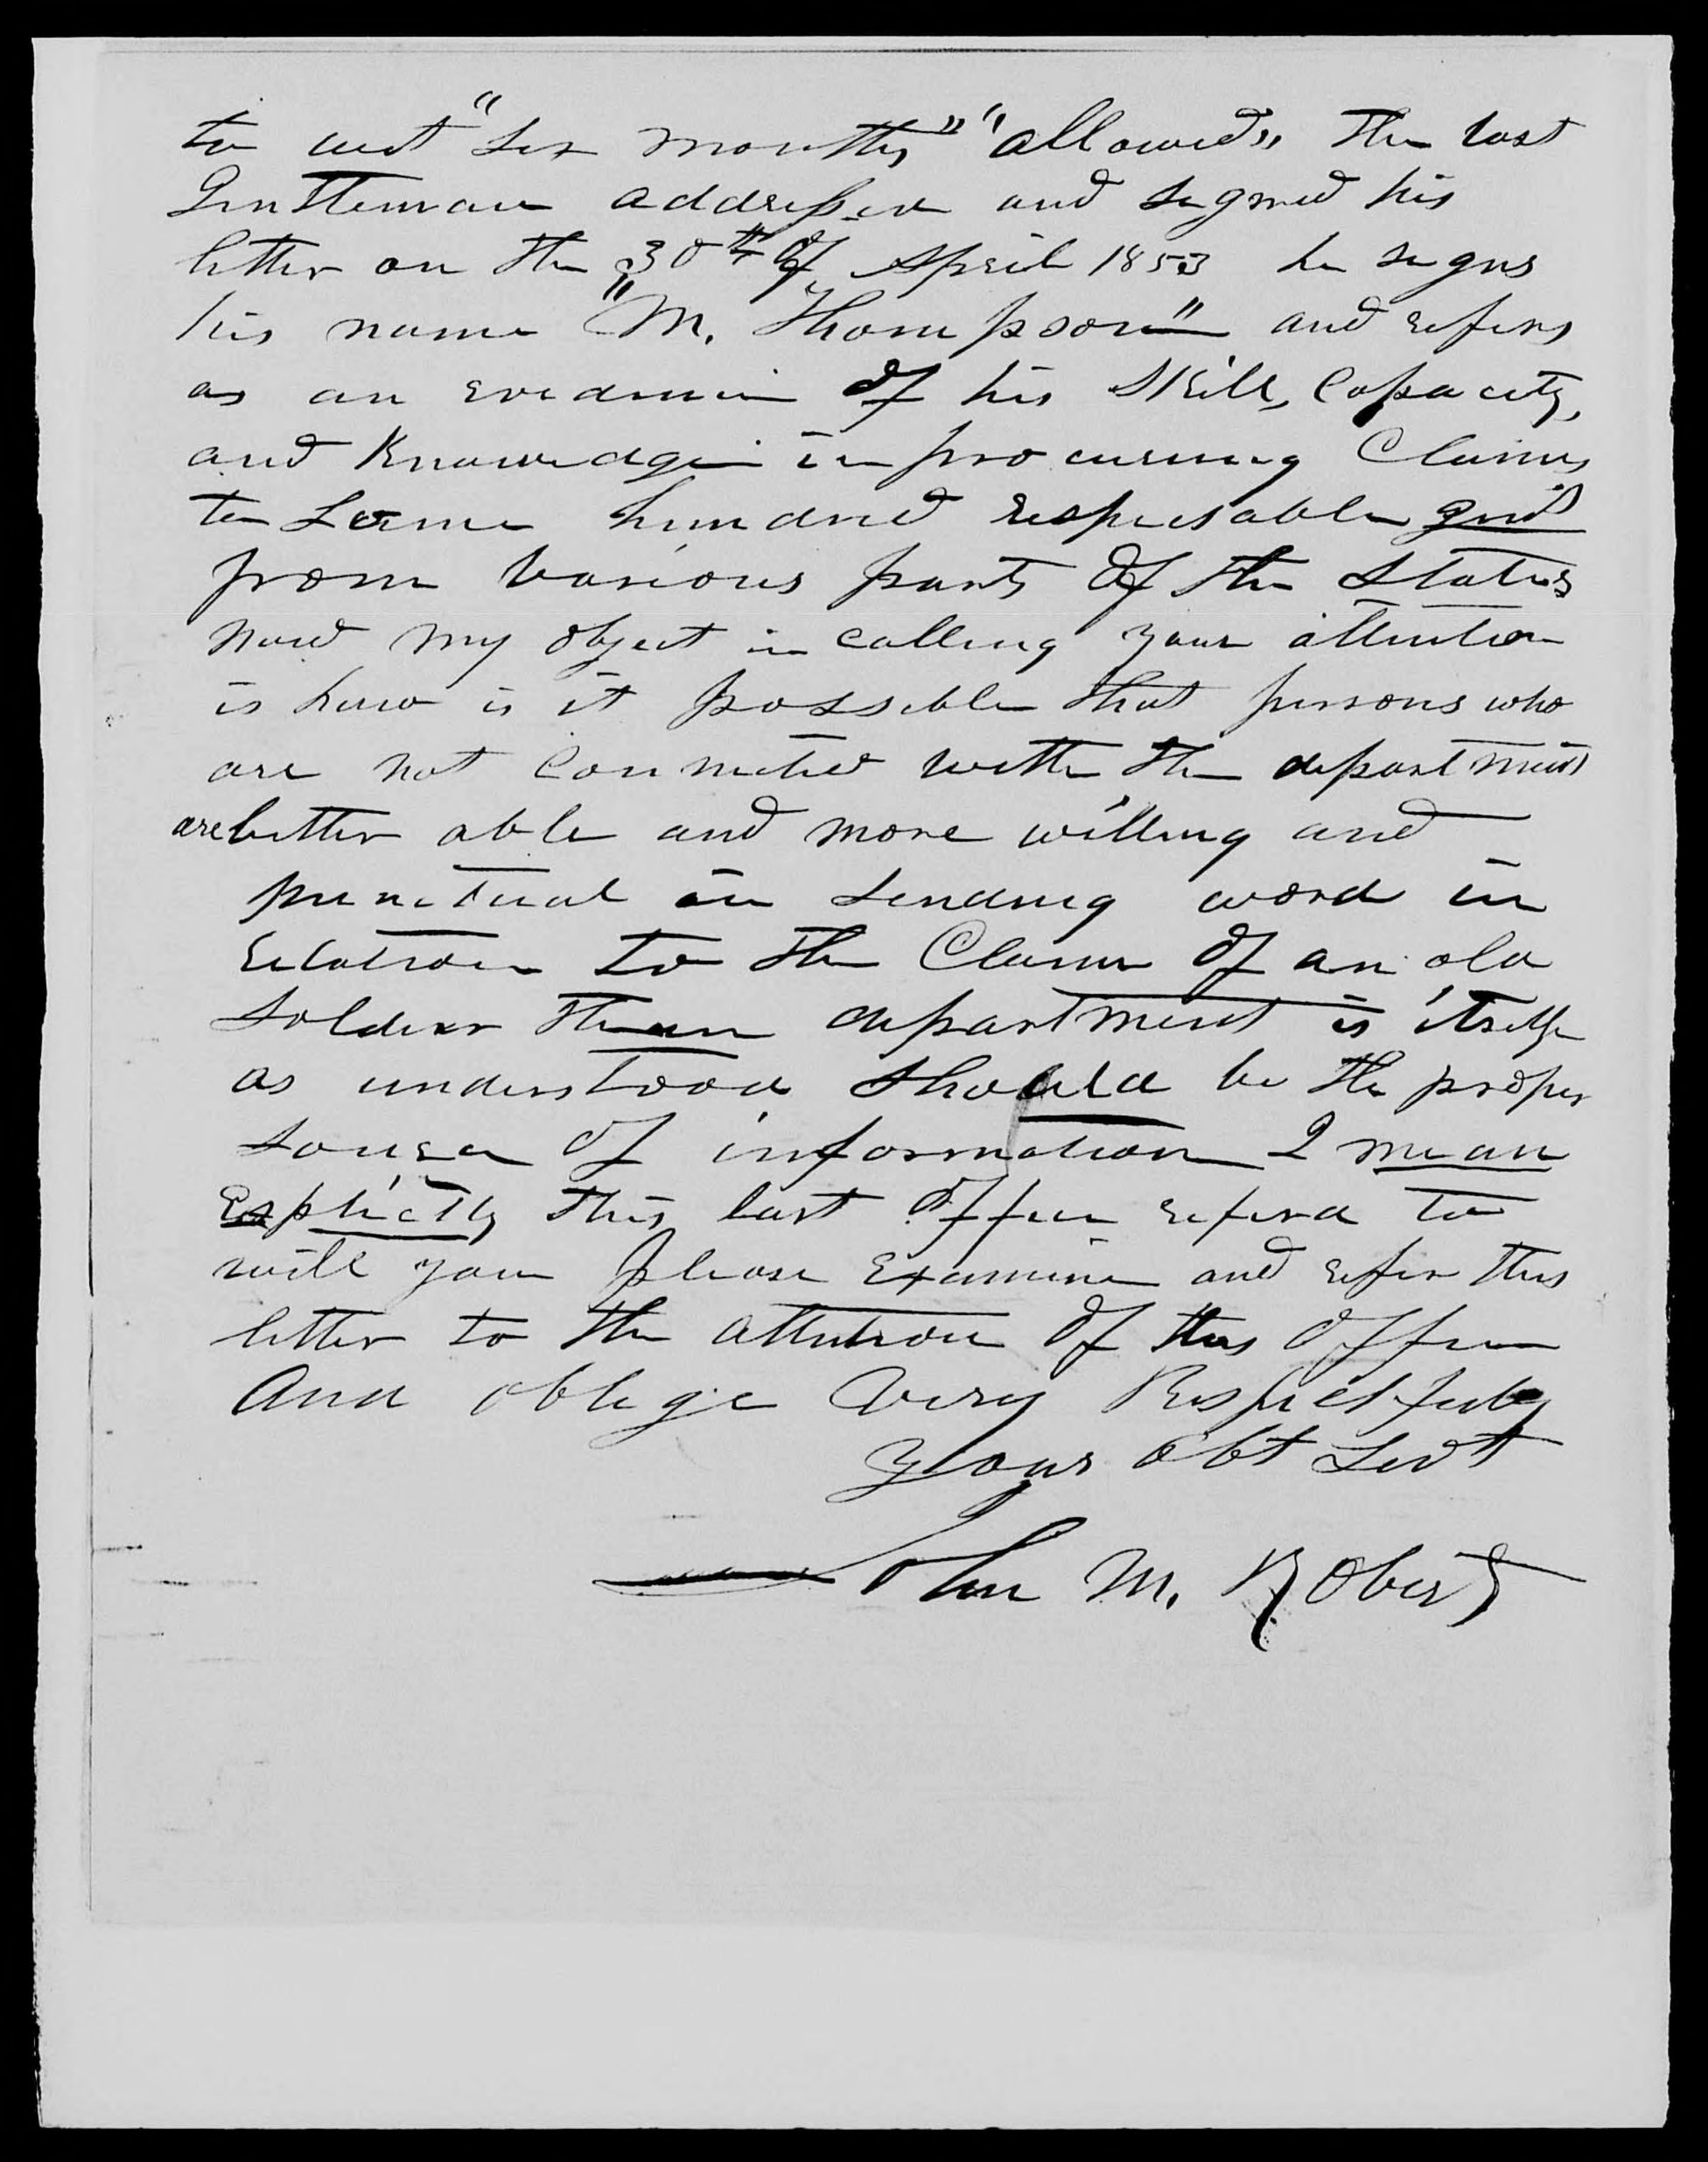to wit "her months" "allowed" the last Gentleman addressed and signed his letter on the 30th April 1853 he signs his name "M. Thompson" and refers as an evidence of his skill capacity
and knowledge in procuring claims for some hundred respectable [illegible] from various parts of the states
-
Now my object in calling your attention is how is it possible that persons who are not connected with the department are better able and more willing and punctual on sending word in relation to the Claim of an old Soldier then department is itself, as understood should be the proper
source of information. I mean explicitly this last office referred to. 

will you please examine and refer this letter to the attention of this office and oblige 

Very Respectfully
Your Obt Sert
John M. Roberts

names: M Thompson, John M Robert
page: 25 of 48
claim: rejected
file: R. 2173, James P Collins, S. C.